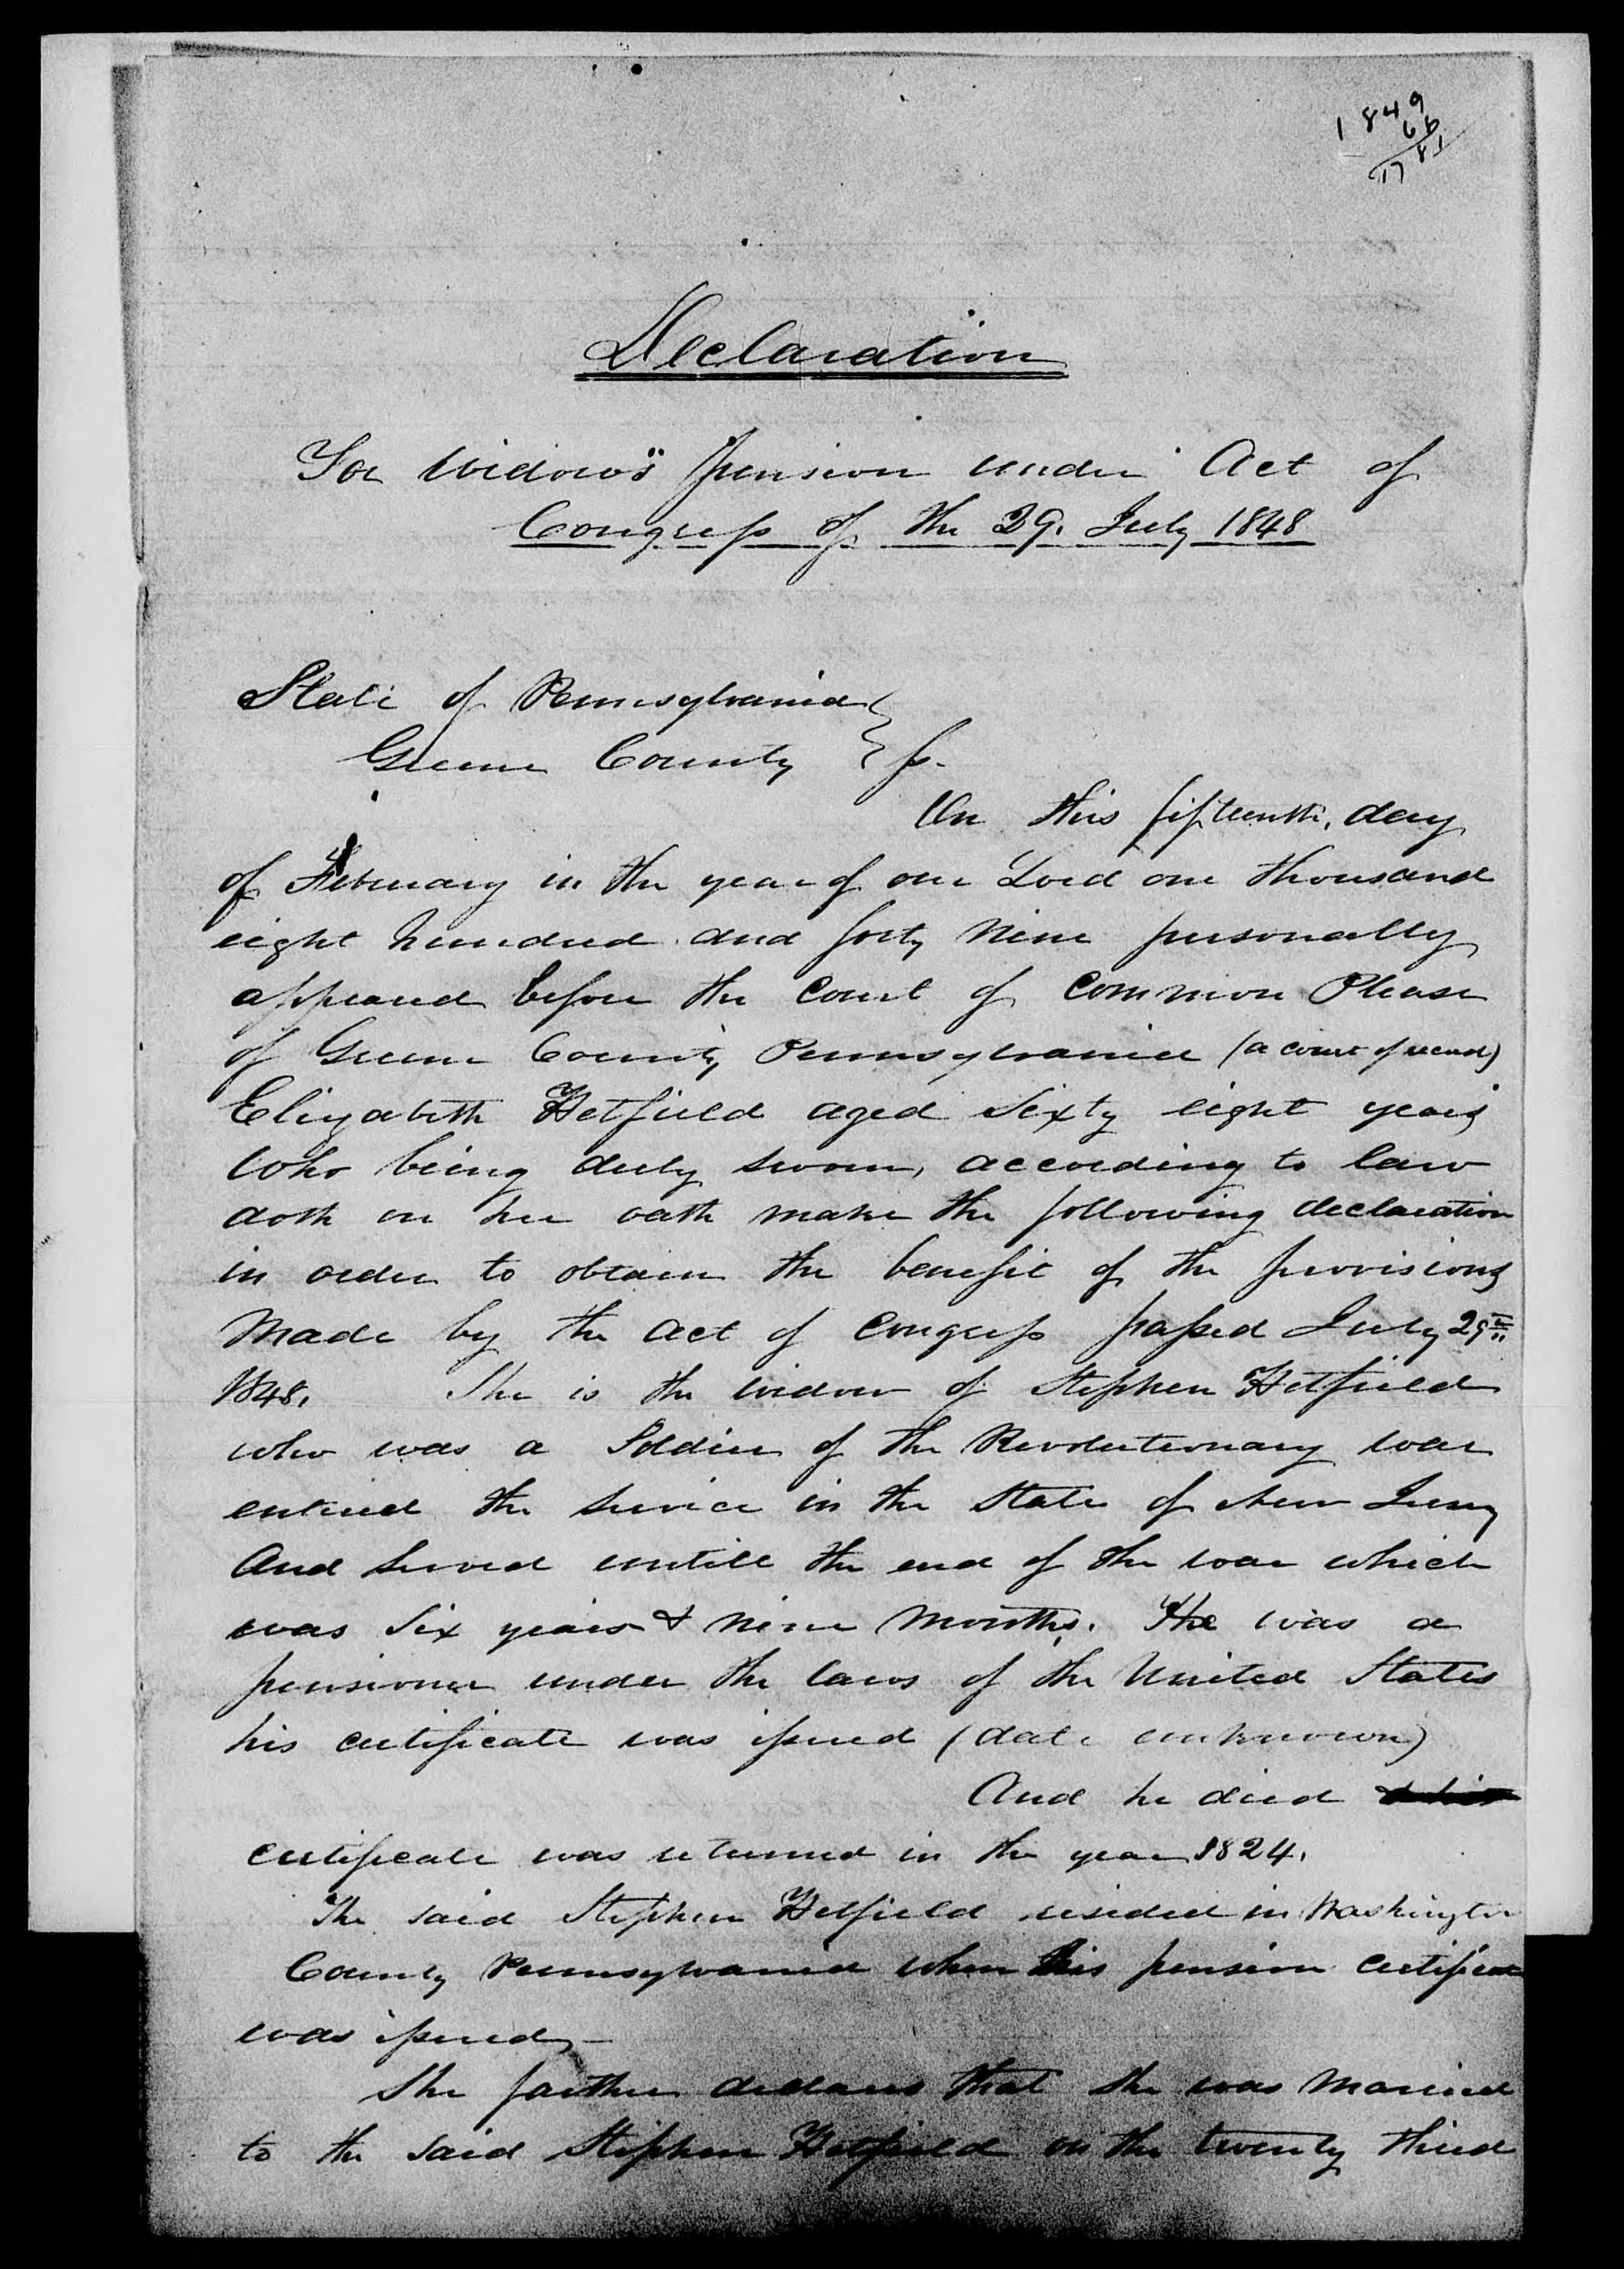Declaration [underlined]   1849 68  1781

For widows pension under Act of 
Congress of the 29. July 1848 [whole line underlined]

State of Pennsylvania
Greene County Ss.

On this fifteenth day
of February in the year of our Lord one thousand
eight hundred and forty nine personally
appeared before the Court of Common Pleas
of Greene County Pennsylvania (a court of record)
Elizabeth Hetfield aged sixty eight years
Who being duly sworn according to law
doth in her oath make the following declaration
in order to obtain the benefit of the provisions
Made by the Act of Congress passed July 29th
1848. She is the widow of Stephen Hetfield
who was a Soldier of the Revolutionary war
entered the service in the State of New Jersey
And Served untill the end of the war which
was six years & nine months. He was a 
pensioner under the laws of the United States
his certificate was issued (date unknown)
and he died [next word blacked out]
certificate was returned in the year 1824.
The said Stephen Hetfield resided in Washington
County Pennsylvania when his pension certificate
was issued -
She farther declares that she was married
to the said Stephen Hetfield on the twenty third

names: Stephen Hatfield, Elizabeth Hetfield, Stephen Hetfield, Stephen Hetfield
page: 14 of 45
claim: widow's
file: W. 2734, Stephen Hetfield, New Jersey